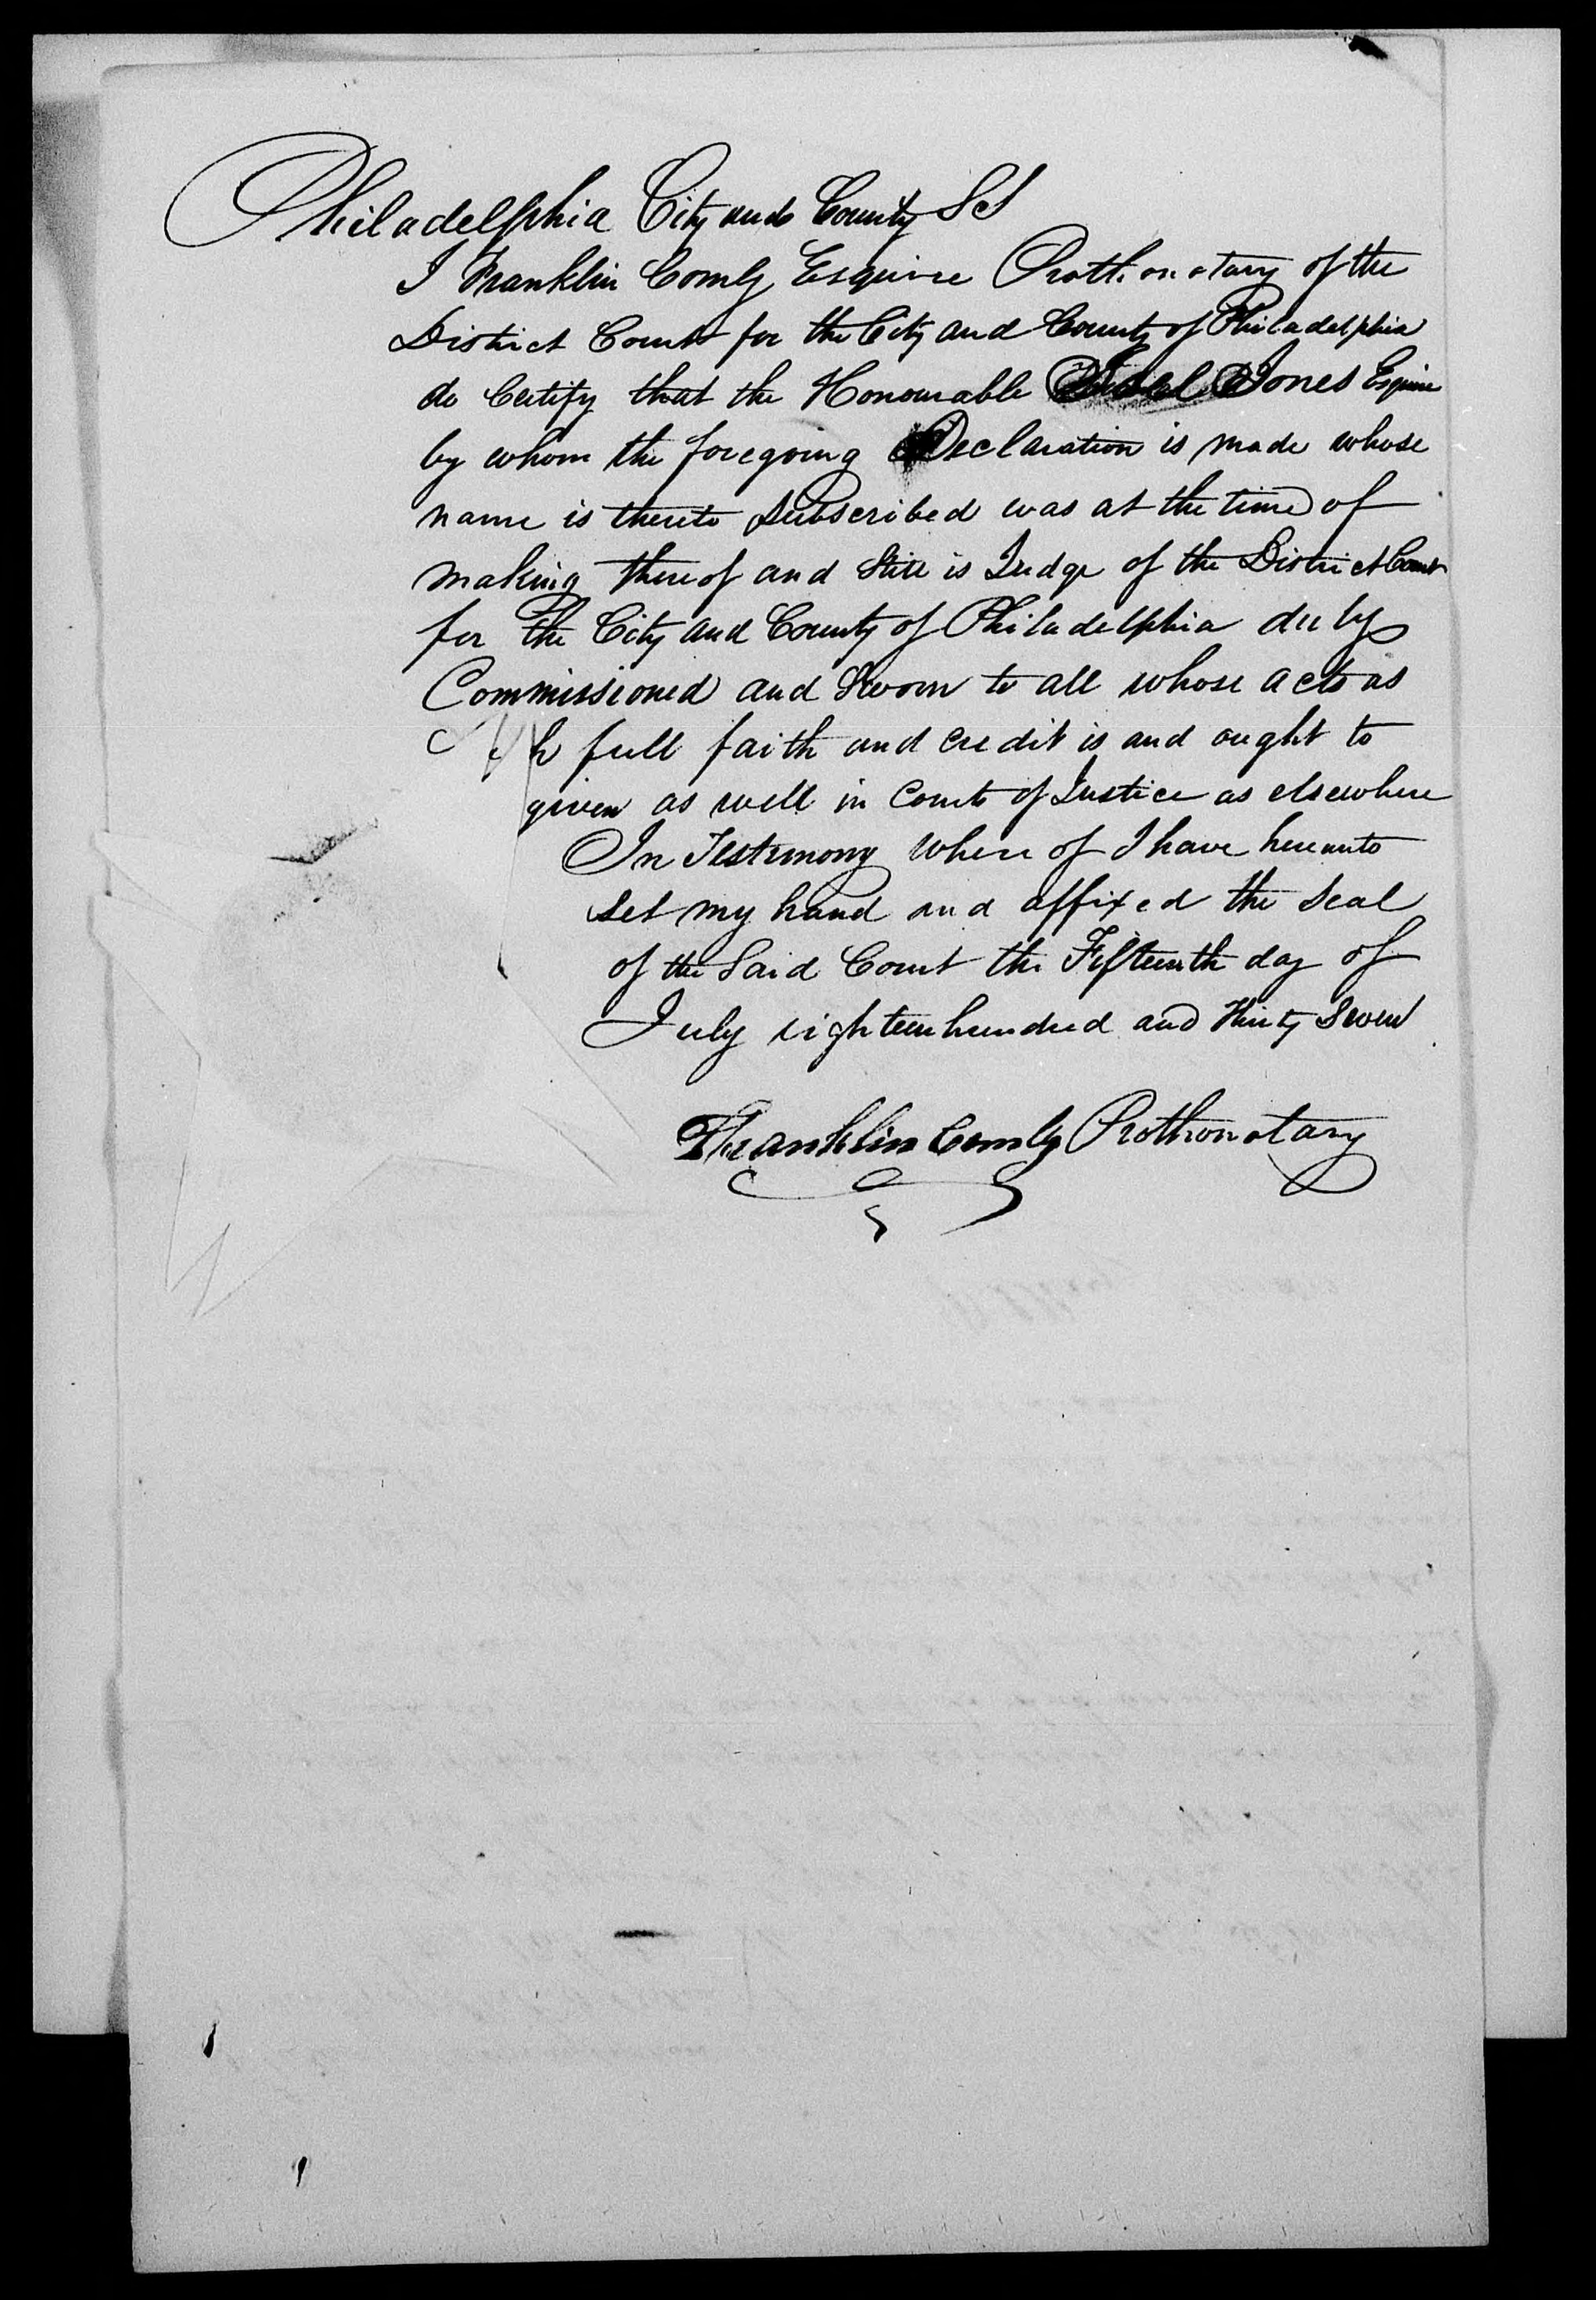Philadelphia City and County SS
I Franklin County Esquire Prothonotary of the District Court for the City and County of Philadelphia do certify that the Honorable Joel Jones Esquire by whom the foregoing Declaration is made whose name is thereto subscribed was at the time of making thereof and still is Judge of the District Court for the City and County of Philadelphia duly Commissioned and sworn to all whose acts as [illegible] full faith and credit is and ought to given as well in Court of Justice as elsewhere In Testimony where of I have hereunto set my hand and affixed the seal of the said Court the Fifteenth day of July eighteen hundred and thirty seven.
Franklin County Prothonotary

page: 18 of 86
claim: widow's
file: W. 3571, for David Marshall, Pennsylvania